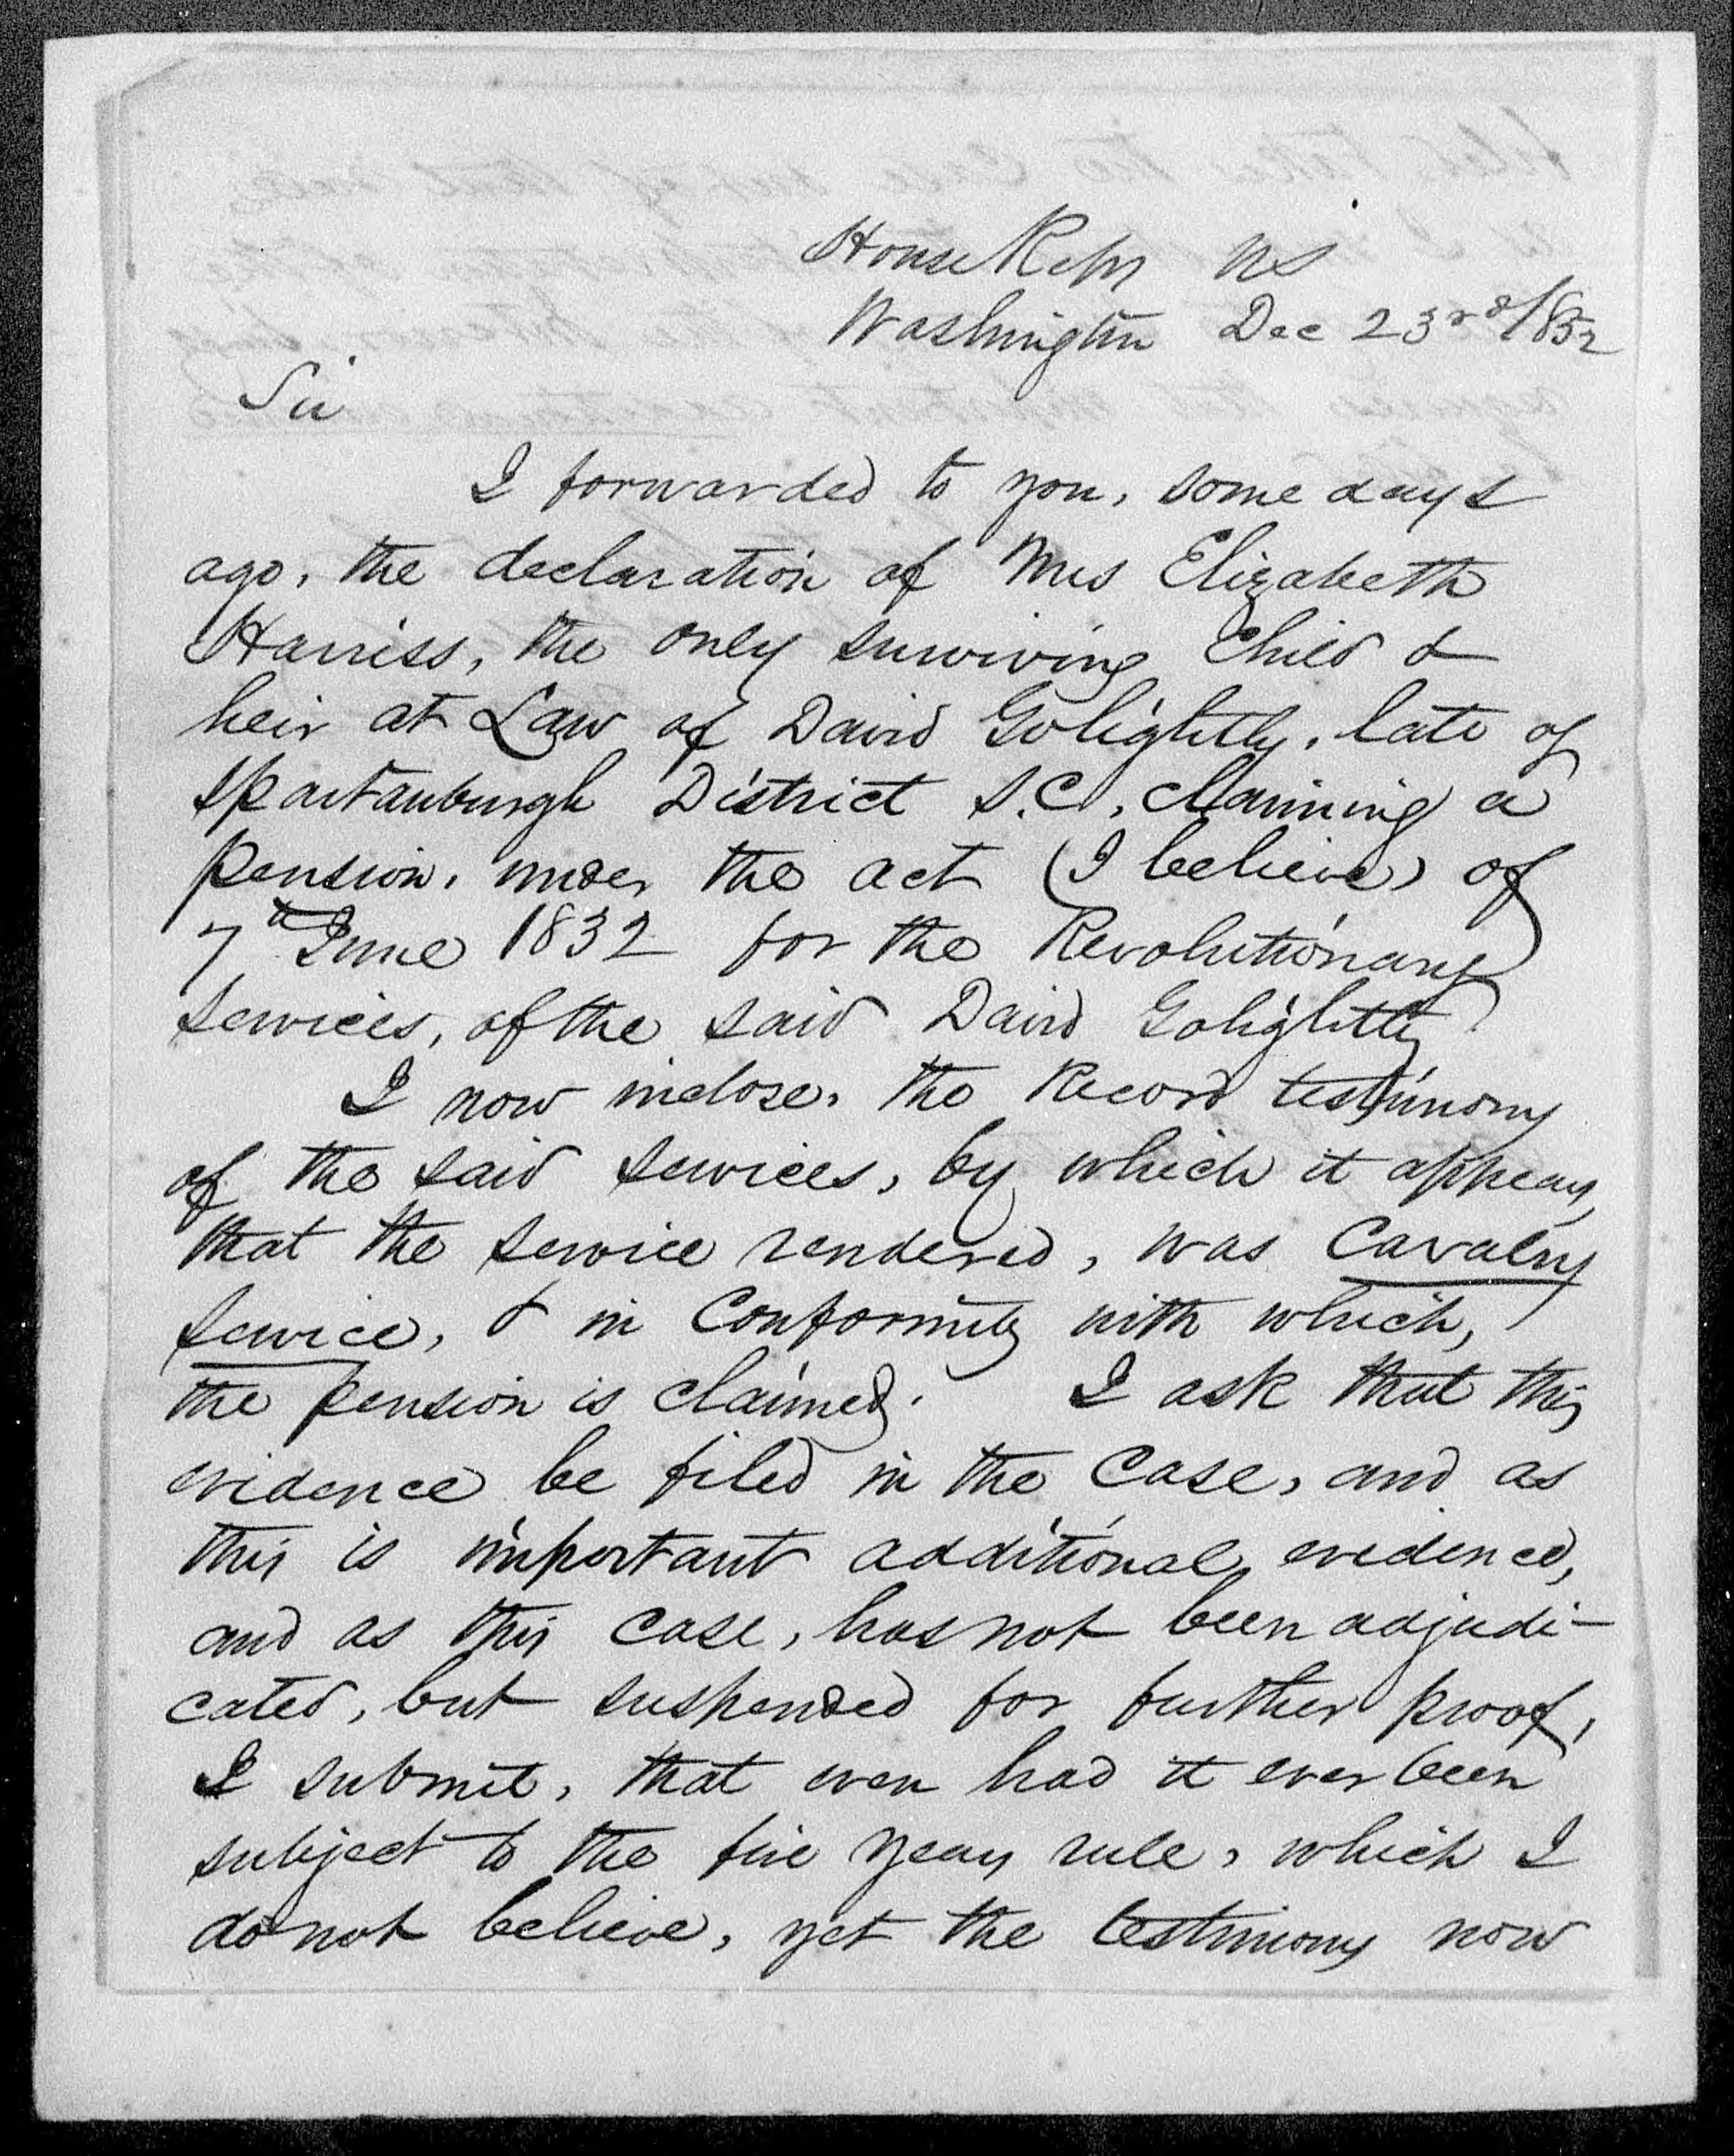House Reps [??]
Washington Dec 23rd 1832

Sir
I forwarded to you, some days
ago, the declaration of Mrs. Elizabeth
Harriss, the only surviving child &
heir at Law of David Golightly, late of 
Spartaburgh District S. C. claiming a
pension, under the act (I believe, of
7th June 1832 for the Revolutionary
Services, of the said David Golightly

I now inclose, the Record testimony
of the said services, by which it appears,
that the service rendered, was cavalry
service, & in conformity with which,
the pension is claimed.  I ask that this
evidence be filed in the case, and as
this is important additional evidence,
and as this case, has not been adjudicated,
but suspended for further proof,
I submit, that even had it even been 
subject  to the five years rule, which I
do not believe, yet the testimony now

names: Elizabeth Harriss, David Golightly, David Golightly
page: 39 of 57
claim: survivor's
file: S. 18888, David Golightly, S.C.